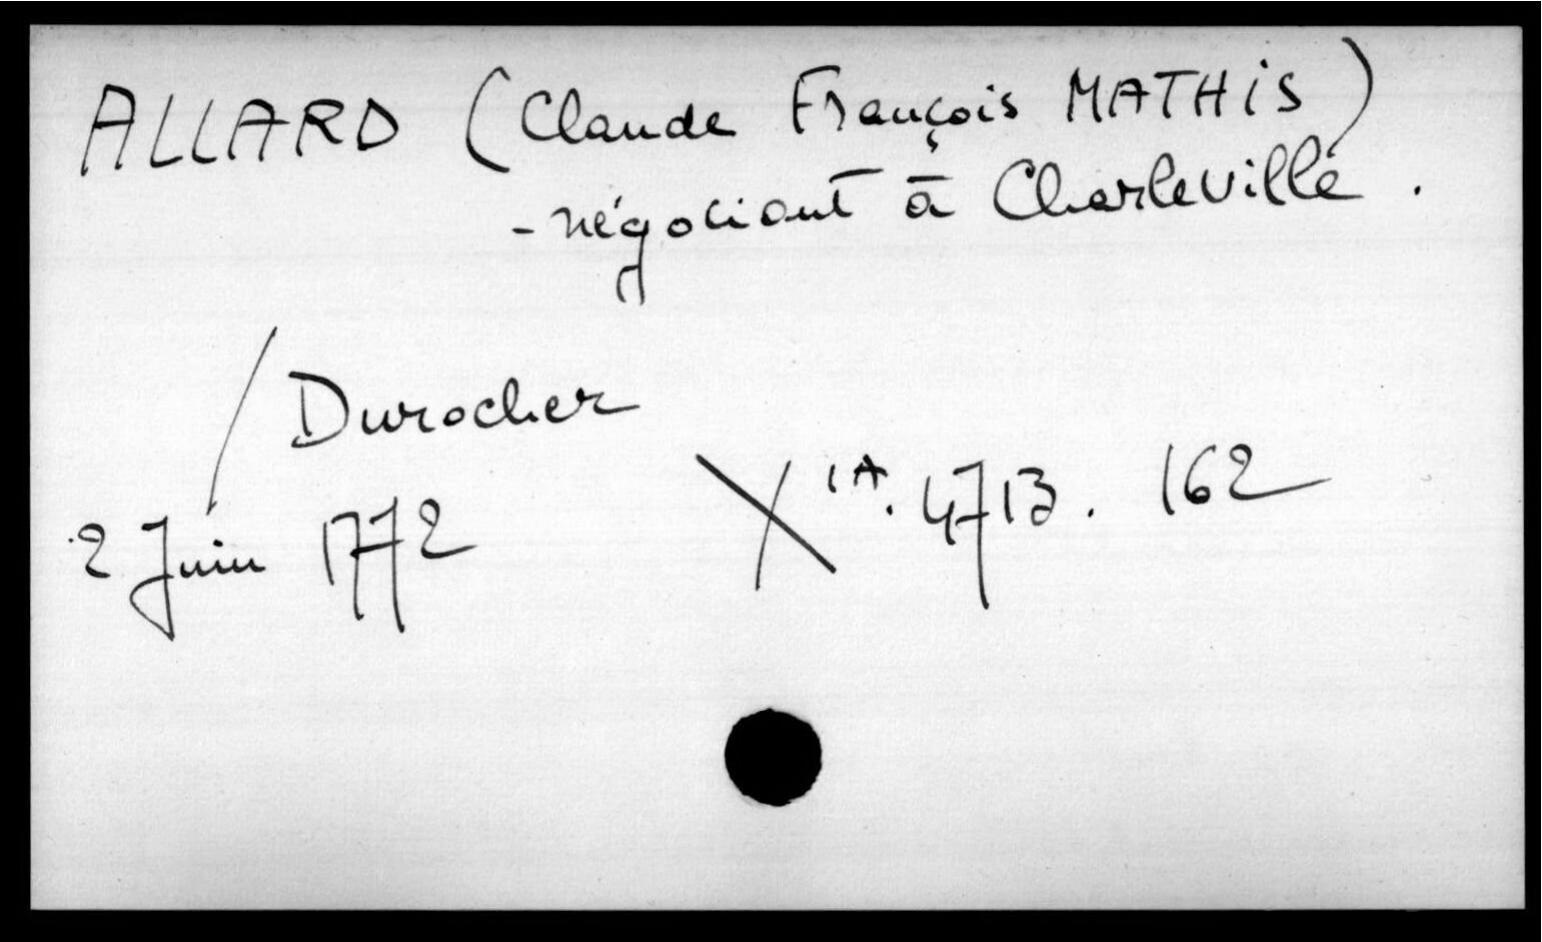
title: ALLARD (Claude François MATHIS) - négociant à Charleville.
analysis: Contre Durocher
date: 2 juin 1772
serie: X1A
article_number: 4713
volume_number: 162
